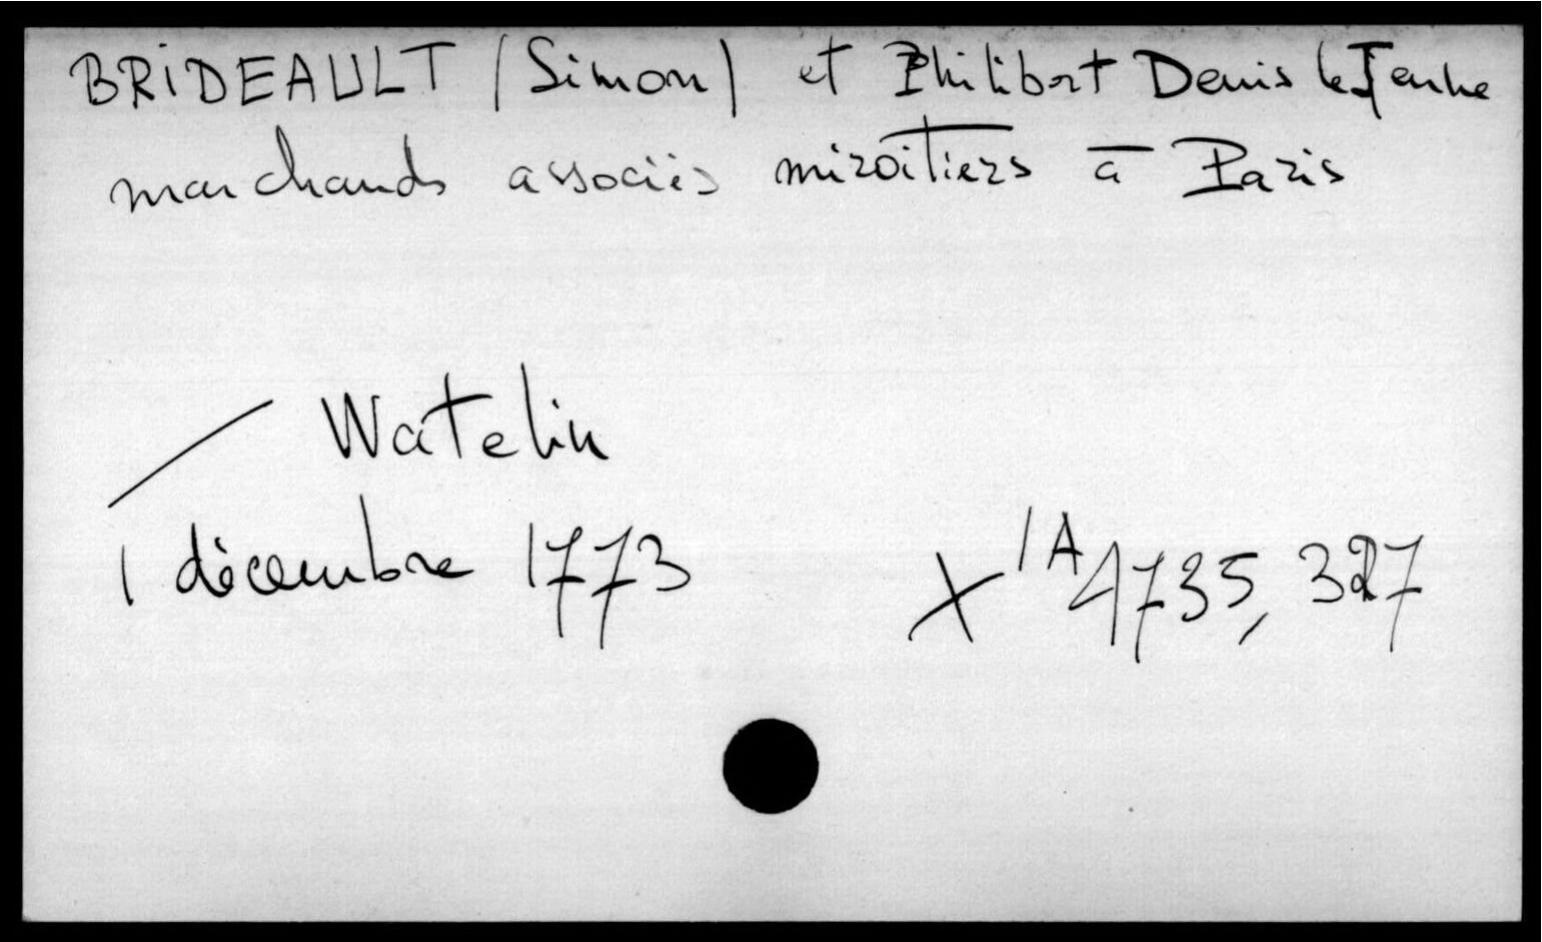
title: BRIDEAULT (Simon) et Philibert Denis le Jeune marchands associes miroitiers à Paris
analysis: Contre Watelin
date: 1 décembre 1773
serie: X1A
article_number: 4735
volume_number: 327
